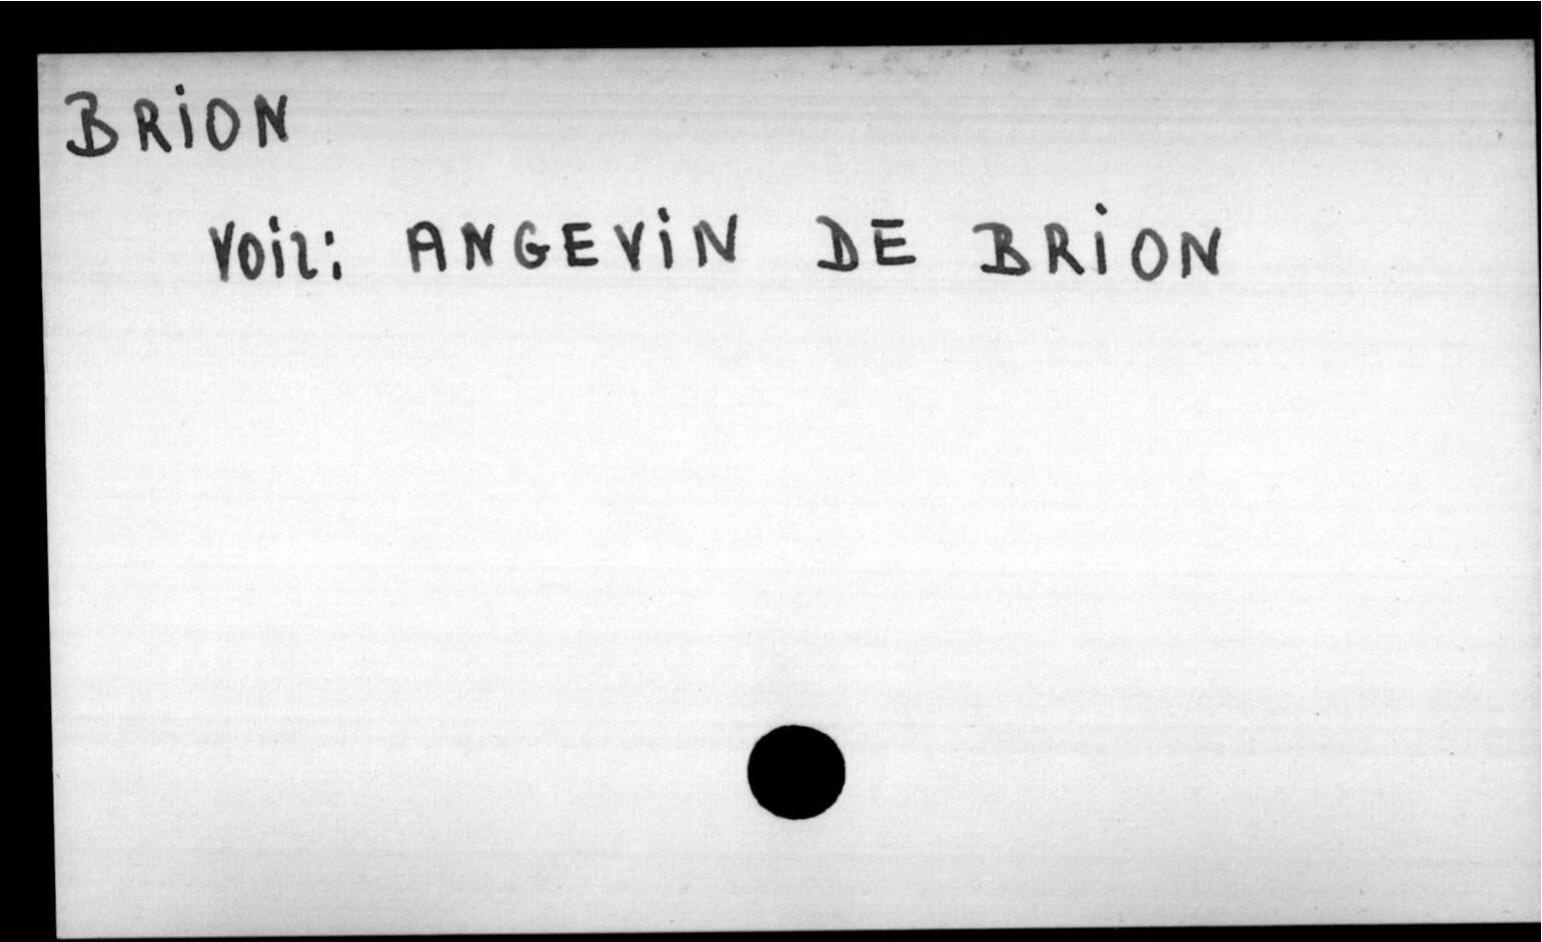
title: BRION
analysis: VOIR : ANGEVIN DE BRION
